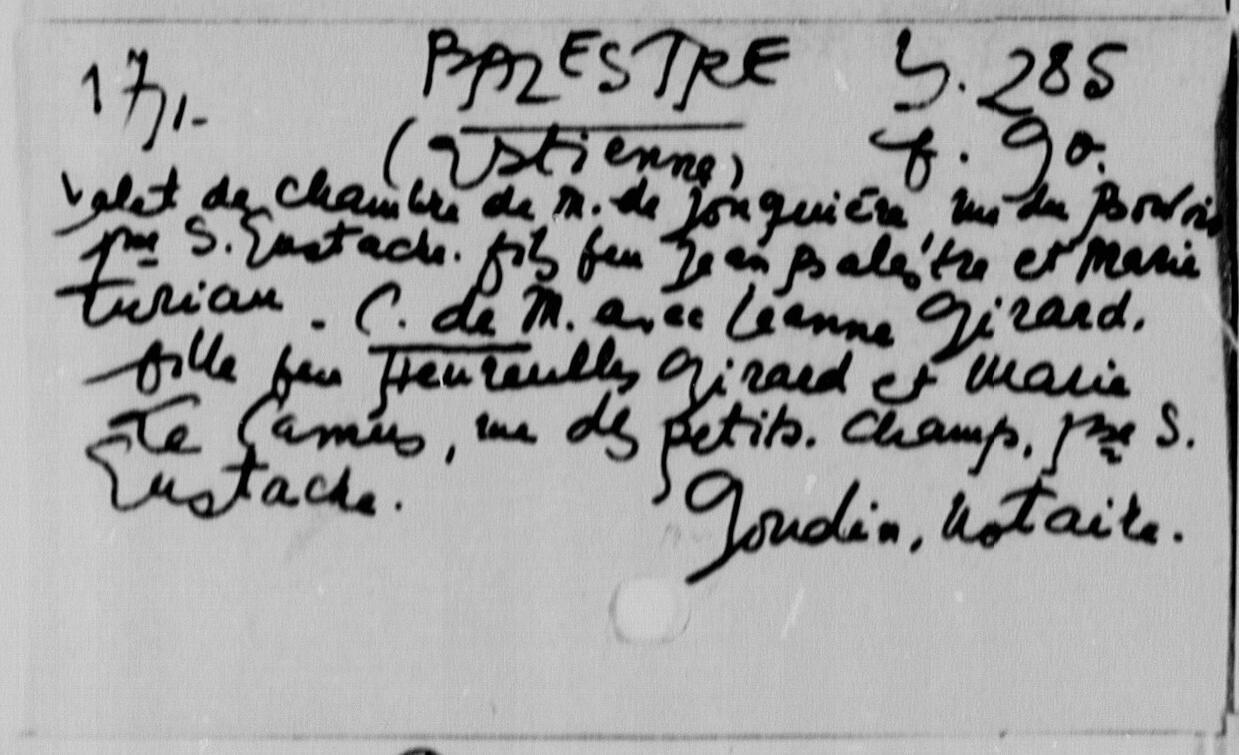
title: BALESTRE (Estienne)
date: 1711
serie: Y
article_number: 285
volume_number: folio 90
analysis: Valet de chambre de Monsieur de Jonquière, rue du Boulois, paroisse Saint-Eustache, fils feu Jean BALESTRE et Marie TURIAU. Contrat de mariage avec Jeanne GIRARD, fille feu Heureulles Girard et Marie LE CAMUS, rue des Petits-Champs, paroisse Saint-Eustache. Goudin, notaire.
